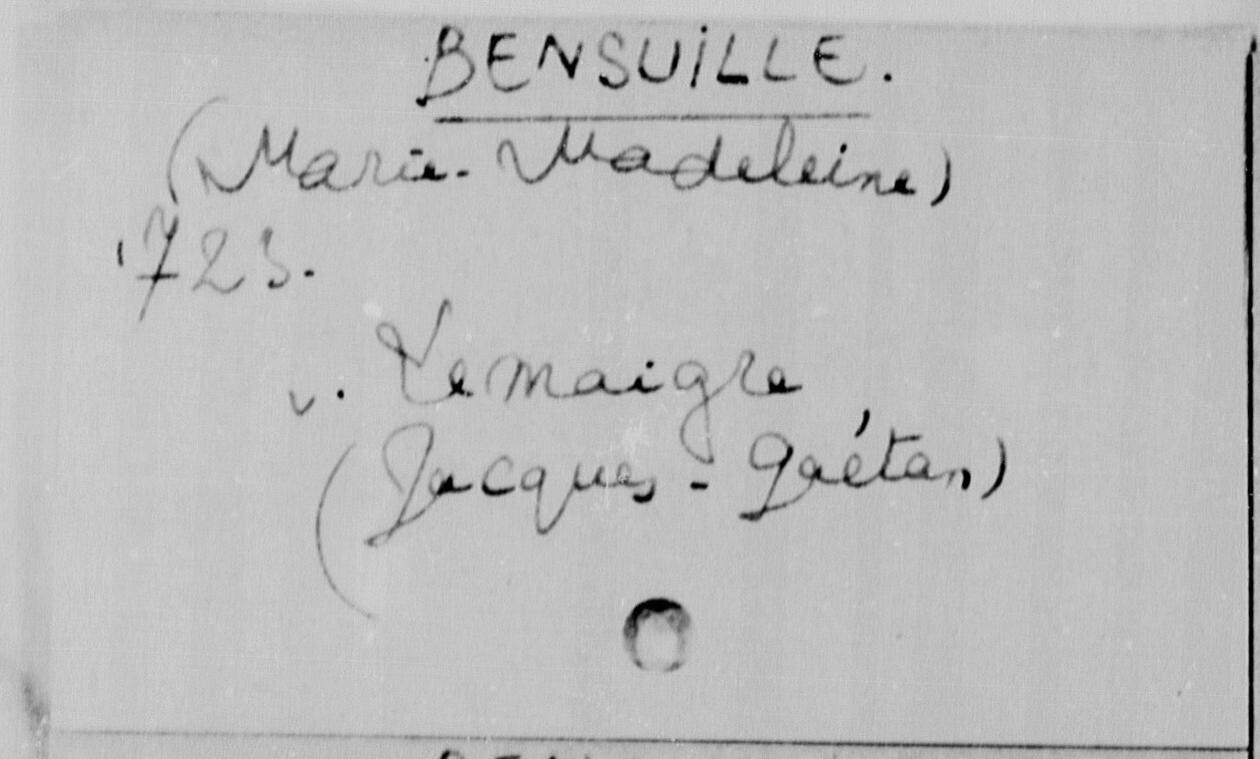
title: BENSUILLE (Marie-Madeleine)
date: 1723
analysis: Voir : LEMAIGRE (Jacques-Gaétan)
